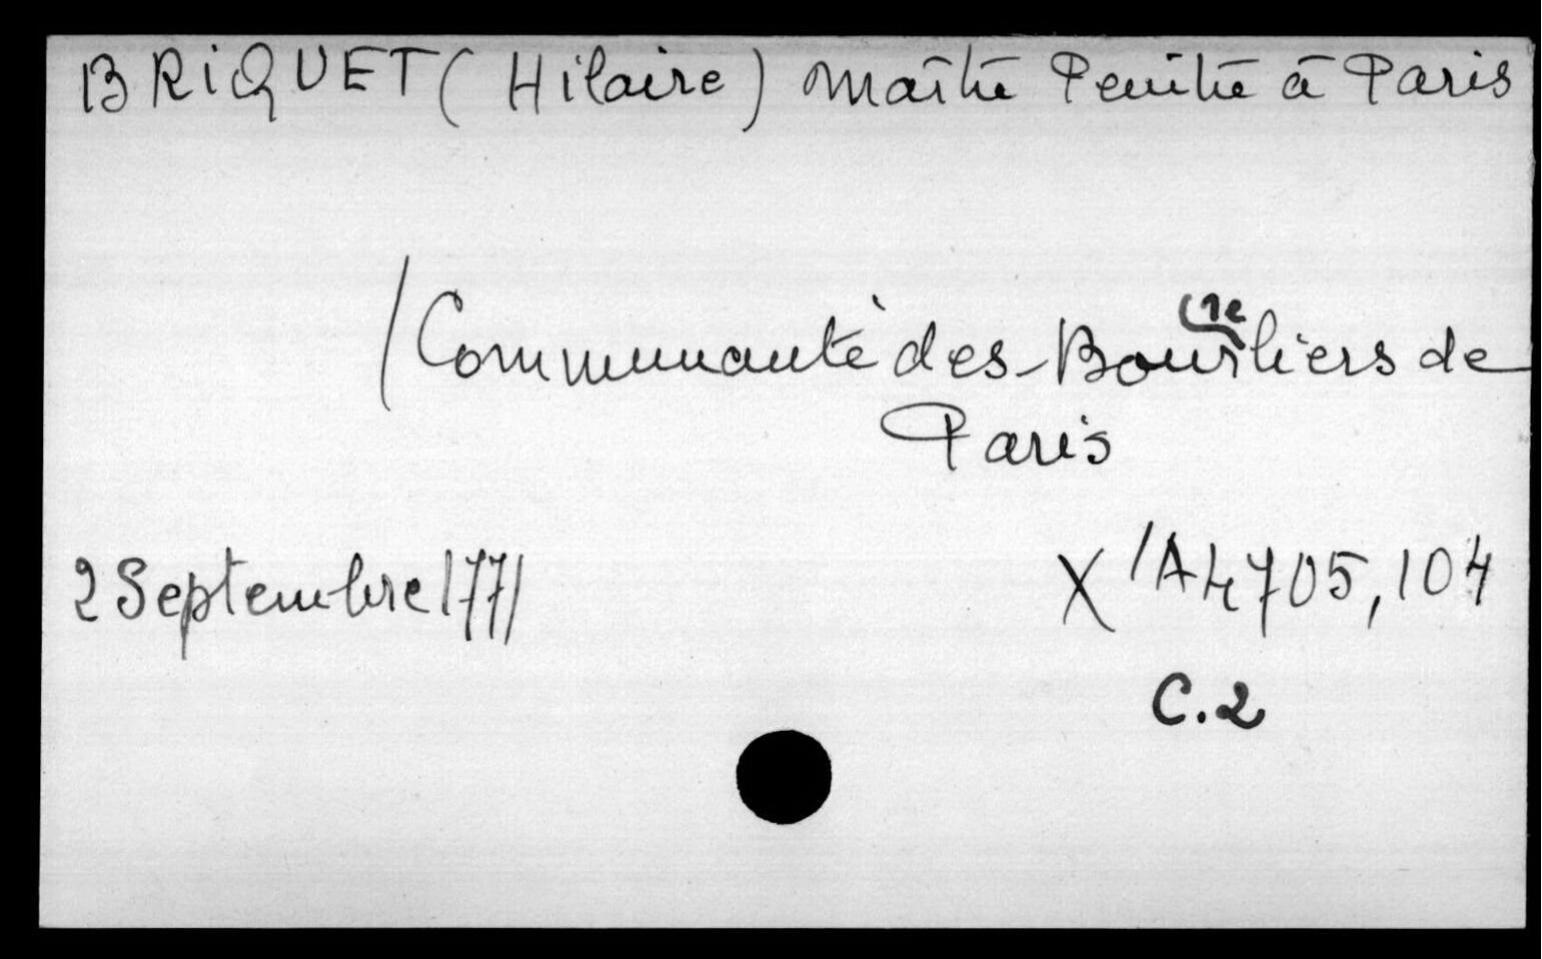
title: BRIQUET (Hilaire) Maître Peintre à Paris
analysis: Contre Communauté des Bourreliers de Paris
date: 2 septembre 1771
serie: X1A
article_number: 4705
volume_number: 104 Conseil, 2
